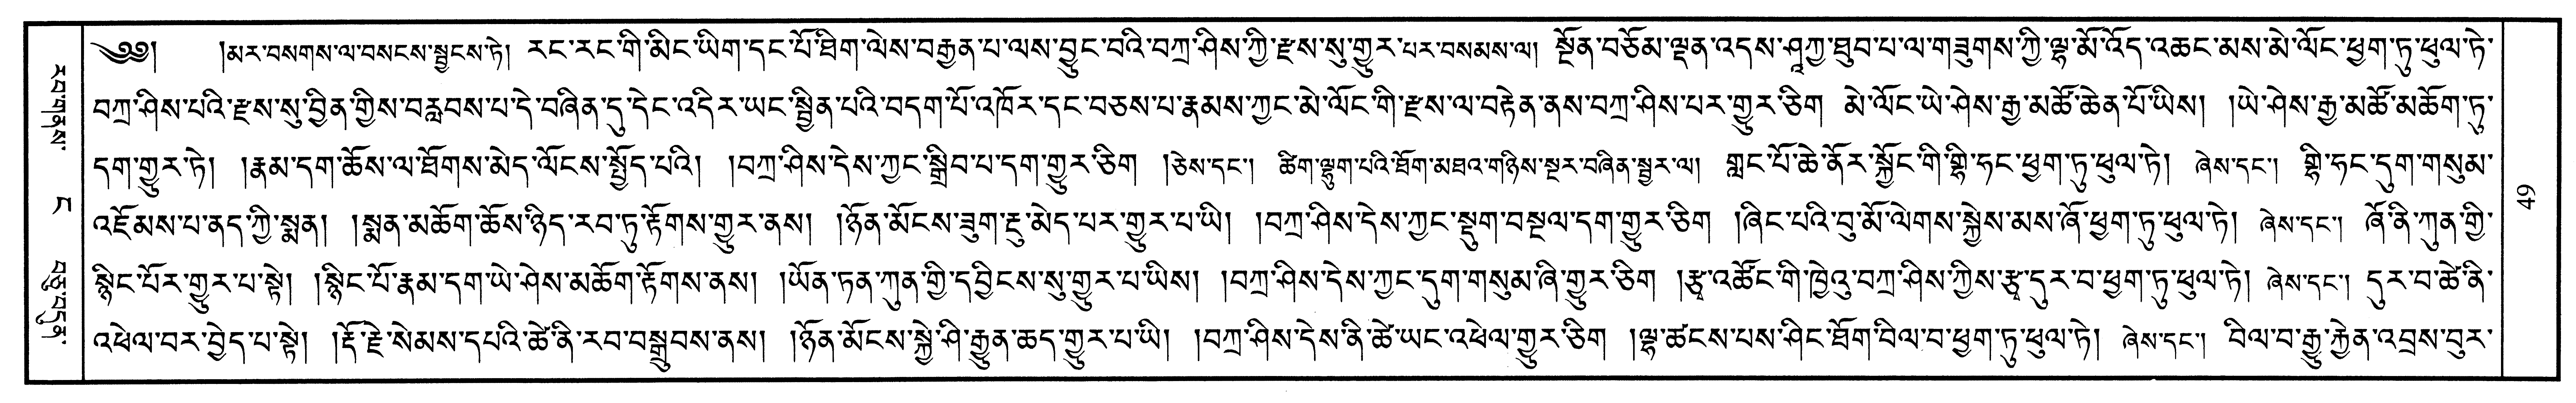༄༅། །མར་བསགས་ལ་བསངས་སྦྱངས་ཏེ། རང་རང་གི་མིང་ཡིག་དང་པོ་ཐིག་ལེས་བརྒྱན་པ་ལས་བྱུང་བའི་བཀྲ་ཤིས་ཀྱི་རྫས་སུ་གྱུར་པར་བསམས་ལ། སྔོན་བཅོམ་ལྡན་འདས་ཤཱཀྱ་ཐུབ་པ་ལ་གཟུགས་ཀྱི་ལྷ་མོ་འོད་འཆང་མས་མེ་ལོང་ཕྱག་ཏུ་ཕུལ་ཏེ་
བཀྲ་ཤིས་པའི་རྫས་སུ་བྱིན་གྱིས་བརླབས་པ་དེ་བཞིན་དུ་དེང་འདིར་ཡང་སྦྱིན་པའི་བདག་པོ་འཁོར་དང་བཅས་པ་རྣམས་ཀྱང་མེ་ལོང་གི་རྫས་ལ་བརྟེན་ནས་བཀྲ་ཤིས་པར་གྱུར་ཅིག་མེ་ལོང་ཡེ་ཤེས་རྒྱ་མཚོ་ཆེན་པོ་ཡིས། །ཡེ་ཤེས་རྒྱ་མཚོ་མཆོག་ཏུ་
དག་གྱུར་ཏེ། །རྣམ་དག་ཆོས་ལ་ཐོགས་མེད་ལོངས་སྤྱོད་པའི། །བཀྲ་ཤིས་དེས་ཀྱང་སྒྲིབ་པ་དག་གྱུར་ཅིག །ཅེས་དང་། ཚིག་ལྷུག་པའི་ཐོག་མཐའ་གཉིས་སྔར་བཞིན་སྦྱར་ལ། གླང་པོ་ཆེ་ནོར་སྐྱོང་གི་གྷི་ཧང་ཕྱག་ཏུ་ཕུལ་ཏེ། ཞེས་དང་། གྷི་ཧང་དུག་གསུམ་
འཇོམས་པ་ནད་ཀྱི་སྨན། །སྨན་མཆོག་ཆོས་ཉིད་རབ་ཏུ་རྟོགས་གྱུར་ནས། །ཉོན་མོངས་ཟུག་རྔུ་མེད་པར་གྱུར་པ་ཡི། །བཀྲ་ཤིས་དེས་ཀྱང་སྡུག་བསྔལ་དག་གྱུར་ཅིག །ཞིང་པའི་བུ་མོ་ལེགས་སྐྱེས་མས་ཞོ་ཕྱག་ཏུ་ཕུལ་ཏེ། ཞེས་དང་། ཞོ་ནི་ཀུན་གྱི་
སྙིང་པོར་གྱུར་པ་སྟེ། །སྙིང་པོ་རྣམ་དག་ཡེ་ཤེས་མཆོག་རྟོགས་ནས། །ཡོན་ཏན་ཀུན་གྱི་དབྱིངས་སུ་གྱུར་པ་ཡིས། །བཀྲ་ཤིས་དེས་ཀྱང་དུག་གསུམ་ཞི་གྱུར་ཅིག །རྩྭ་འཚོང་གི་ཁྱེའུ་བཀྲ་ཤིས་ཀྱིས་རྩྭ་དུར་བ་ཕྱག་ཏུ་ཕུལ་ཏེ། ཞེས་དང་། དུར་བ་ཚེ་ནི་
འཕེལ་བར་བྱེད་པ་སྟེ། །རྡོ་རྗེ་སེམས་དཔའི་ཚེ་ནི་རབ་བསྒྲུབས་ནས། །ཉོན་མོངས་སྐྱེ་ཤི་རྒྱུན་ཆད་གྱུར་པ་ཡི། །བཀྲ་ཤིས་དེས་ནི་ཚེ་ཡང་འཕེལ་གྱུར་ཅིག །ལྷ་ཚངས་པས་ཤིང་ཐོག་བིལ་བ་ཕྱག་ཏུ་ཕུལ་ཏེ། ཞེས་དང་། བིལ་བ་རྒྱུ་རྐྱེན་འབྲས་བུར་